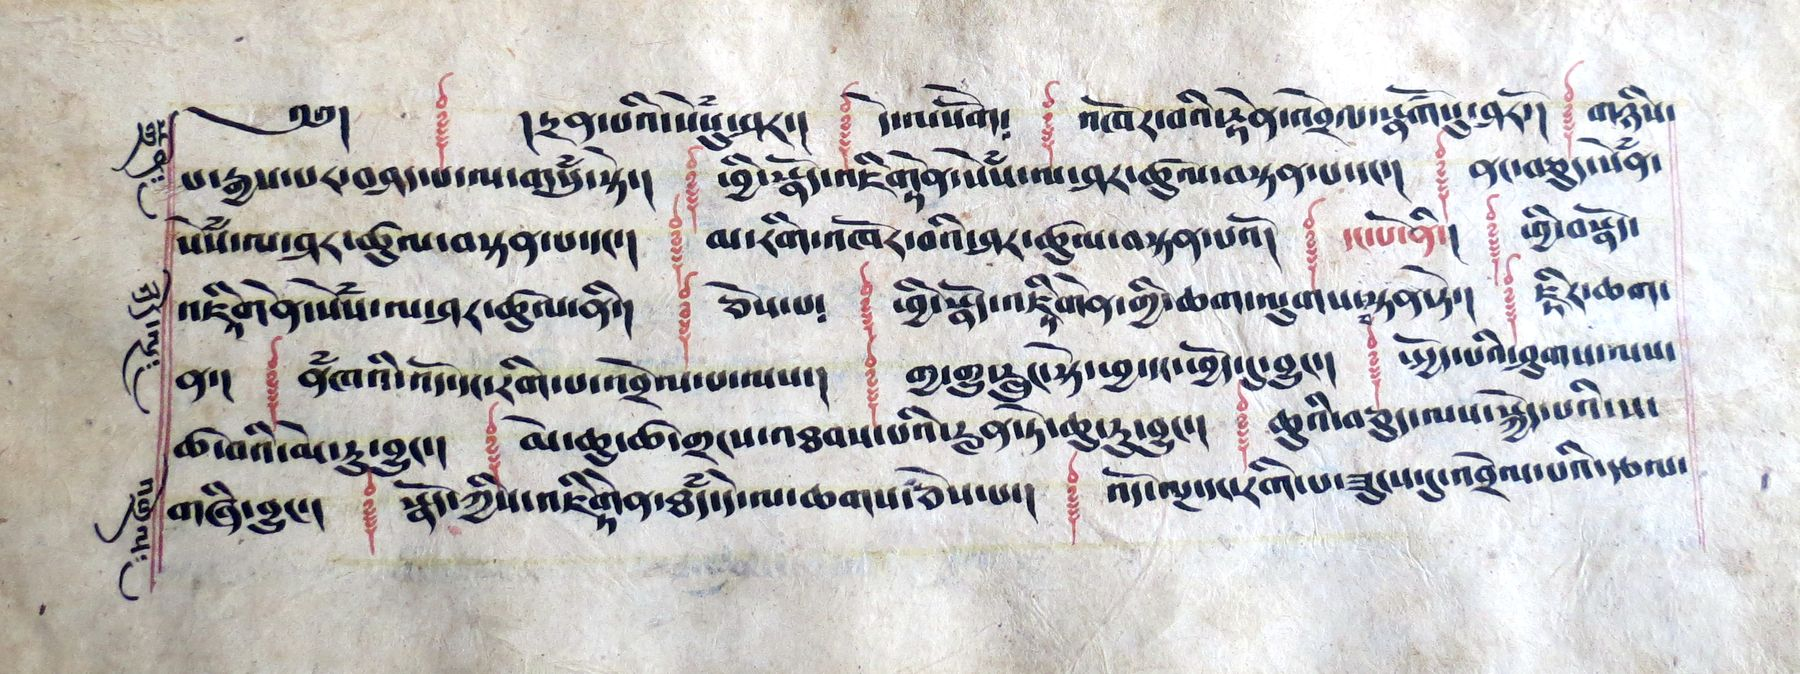དྲན་པའི་སེམས་སུ་ཤར། དེ་ལས་སོགས་ཏེ། འཁོར་བའི་རྟེན་འབྲེལ་སྣ་ཚོགས་སུ་ཤར་རོ། །གཉིས་
པ་རྒྱས་པར་བཤད་པ་ལ་གསུམ་སྟེ། ཕྱི་སྣོད་འཇིག་རྟེན་སེམས་ལས་ཤར་ཚུལ་བསྟན་པ་དང་། ནང་བཅུད་སེམས་ཅན་
སེམས་ལས་ཤར་ཚུལ་བསྟན་པ་དང་། མ་རིག་འཁོར་བའི་ཤར་ཚུལ་བསྟན་པའོ། །དང་པོ་ནི། ཕྱི་སྣོད་
འཇིག་རྟེན་སེམས་ལས་ཤར་ཚུལ་ནི། །ཞེས་པས། ཕྱི་སྣོད་འཇིག་རྟེན་ཆགས་ལུགས་སྟོན་ཏེ། ཇི་ལྟར་ཆགས་
ན། ནམ་མཁའི་འོད་དང་རིག་པ་འབྲེལ་བ་ལས། གྱ་གྱུ་རླུང་སྟེ་ཕྱད་དང་ཕྱོད་དུ་བྱུང་། བསྐྱོད་པའི་ཤུགས་ལས་
ཚ་བའི་མེ་རུ་བྱུང་། མེ་རླུང་ཚ་གྲང་འཐབས་པས་རླན་ཏེ་ཆུ་རུ་བྱུང་། ཆུའི་བཅུད་ལས་སྐྱེད་པའི་ས་
གཞི་བྱུང་། སྣོད་ཀྱི་འཇིག་རྟེན་ཐམས་ཅད་དེ་ལས་ཆགས། །ཞེས་པས་འོད་ལྔ་དང་རིག་པ་ཟུང་དུ་འབྲེལ་བའི་རྩལ་